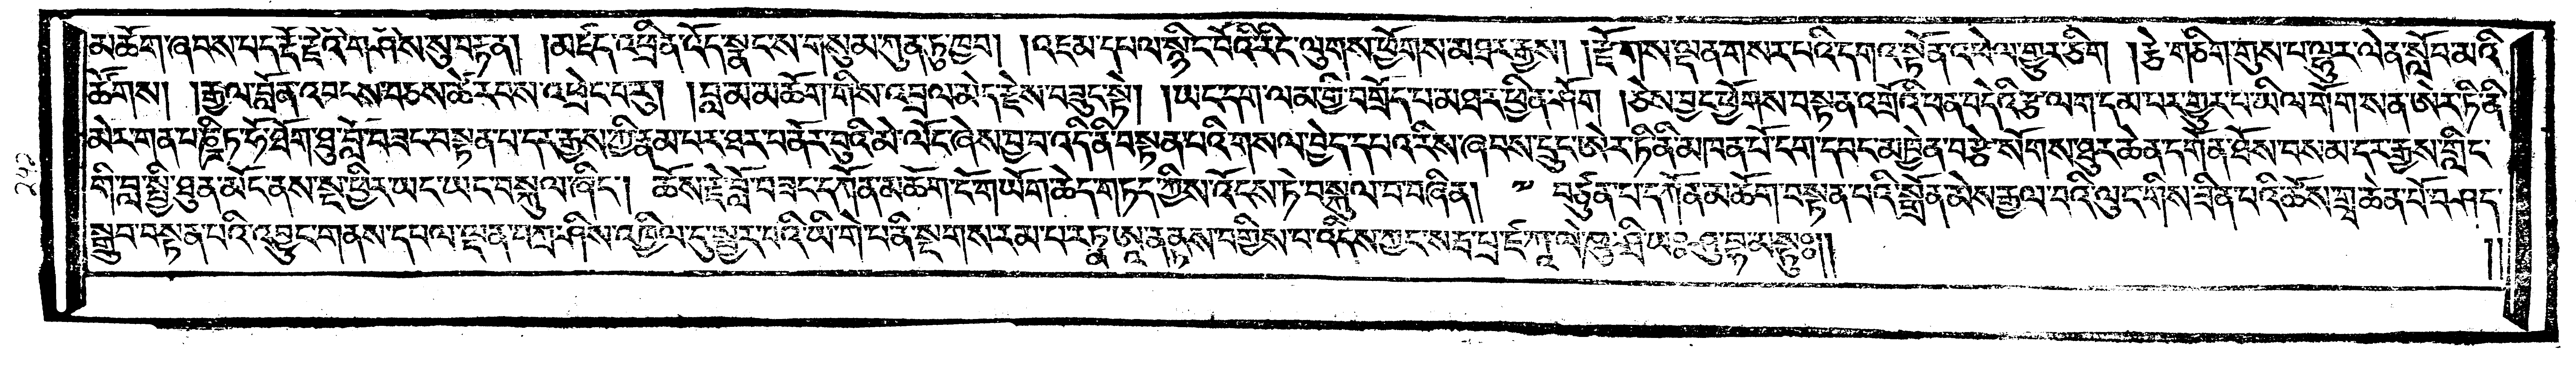མཆོག་ཞབས་པད་རྡོ་རྗེའི་གཤིས་སུ་བརྟན། །མཛད་འཕྲིན་འོད་སྣང་ས་གསུམ་ཀུན་ཏུ་ཁྱབ། །འཇམ་དཔལ་སྙིང་པོའི་རིང་ལུགས་ཕྱོགས་མཐར་རྒྱས། །རྫོགས་ལྡན་གསར་པའི་དགའ་སྟོན་འཕེལ་གྱུར་ཅིག །རྩེ་གཅིག་གུས་པ་ལྷུར་ལེན་སློབ་མའི་
ཚོགས། །རྒྱལ་བློན་འབངས་བཅས་ཚེ་རབས་འཕྲེང་བ་རུ། །བླ་མ་མཆོག་གིས་འབྲལ་མེད་རྗེས་བཟུང་སྟེ། །ཡང་དག་ལམ་གྱི་བགྲོད་པ་མཐར་ཕྱིན་ཤོག །ཅེས་བྱང་ཕྱོགས་བསྟན་འགྲོའི་ཕན་བདེའི་རྩ་ལག་དམ་པར་གྱུར་པ་ཡི་ལ་གོག་སན་ཨེར་ཏི་ནི་
མེར་གན་པཎྜིཏ་ཧོ་ཐོག་ཐུ་བློ་བཟང་བསྟན་པ་དར་རྒྱས་ཀྱི་རྣམ་པར་ཐར་པ་ནོར་བུའི་མེ་ལོང་ཞེས་བྱ་བ་འདི་ནི་བསྟན་པའི་གསལ་བྱེད་དཔའ་རིས་ཞབས་དྲུང་ཨེར་ཏི་ནི་མཁན་པོ་ངག་དབང་མཁྱེན་བརྩེ་སོགས་ཐུར་ཆེན་དགོན་ཐོས་བསམ་དར་རྒྱས་གླིང་
གི་བླ་སྤྱི་ཐུན་མོང་ནས་སྔ་ཕྱིར་ཡང་ཡང་བསྐུལ་ཞིང་། ཆོས་རྗེ་བློ་བཟང་དཀོན་མཆོག་ངོ་གཡོག་ཆེད་གཏད་ཀྱིས་འོངས་ཏེ་བསྐུལ་བ་བཞིན། ༧བཙུན་པ་དཀོན་མཆོག་བསྟན་པའི་སྒྲོན་མེས་རྒྱལ་བའི་ལུང་གིས་ཟིན་པའི་ཆོས་གྲྭ་ཆེན་པོ་བཤད་
སྒྲུབ་བསྟན་པའི་འབྱུང་གནས་དཔལ་ལྡན་བཀྲ་ཤིས་འཁྱིལ་དུ་སྦྱར་བའི་ཡི་གེ་པ་ནི་སྔགས་རམ་པ་རཏྞ་ཨཱ་ནནྟས་བགྱིས་པ་འདིས་ཀྱང་སརྦ་པྲ་ཛ་ཀཱ་ལེ་ཥུ་ཤྲི་ཡཿ ཤུ་བྷ་མསྟུཿ།།